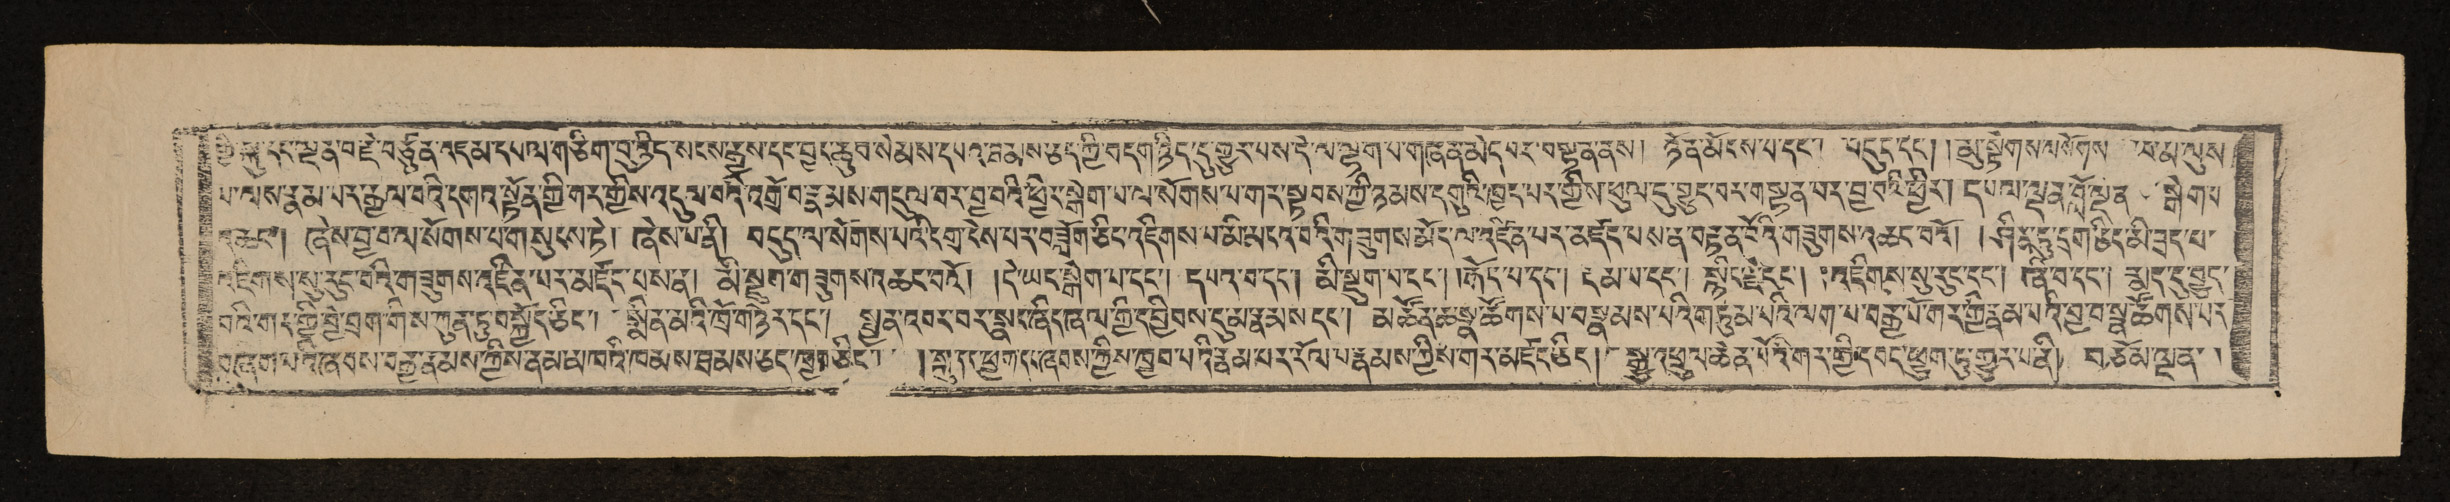གྱི་སྐུ་དང་ལྡན་པ་རྗེ་བཙུན་འཇམ་དཔལ་གཅིག་པུ་ཉིད་སངས་རྒྱས་དང་བྱང་ཆུབ་སེམས་དཔའ་ཐམས་ཅད་ཀྱི་བདག་ཉིད་དུ་གྱུར་པས་དེ་ལ་ལྷག་པ་གཞན་མེད་པར་བསྟན་ནས། ཉོན་མོངས་པ་དང་། བདུད་དང་། མུ་སྟེགས་ལ་སོགས་པ་མ་ལུས་
པ་ལས་རྣམ་པར་རྒྱལ་བའི་དགའ་སྟོན་གྱི་གར་གྱིས་འདུལ་བའི་འགྲོ་བ་རྣམས་གདུལ་པར་བྱ་བའི་ཕྱིར་སྒེག་པ་ལ་སོགས་པ་གར་སྟབས་ཀྱི་ཉམས་དགུའི་ཁྱད་པར་གྱིས་ཕུལ་དུ་བྱུང་བར་བསྟན་པར་བྱ་བའི་ཕྱིར། དཔལ་ལྡན་བློ་ལྡན་སྒེག་པ་
འཆང་། ཞེས་བྱ་བ་ལ་སོགས་པ་གསུངས་ཏེ། ཞེས་པ་ནི། བདུད་ལ་སོགས་པའི་དགྲ་ངེས་པར་བཟློག་ཅིང་འཇིགས་པ་མི་མངའ་བའི་གཟུགས་མོད་ལ་འཛིན་པར་མཛད་པས་ན་བརྟན་པོའི་གཟུགས་འཆང་བའོ། །ཤིན་ཏུ་དྲག་ཅིང་མི་ཟད་པ་
འཇིགས་སུ་རུང་བའི་གཟུགས་འཛིན་པར་མཛད་པས་ན། མི་སྡུག་གཟུགས་འཆང་བའོ། །དེ་ཡང་སྒེག་པ་དང་། དཔའ་བ་དང་། མི་སྡུག་པ་དང་། རྒོད་པ་དང་། རྔམ་པ་དང་། སྙིང་རྗེ་དང་། འཇིགས་སུ་རུང་དང་། ཞི་བ་དང་། རྨད་དུ་བྱུང་
བའི་གར་གྱི་བྱེ་བྲག་གིས་ཀུན་ཏུ་བསྐྱོད་ཅིང་། སྨིན་མའི་ཁྲོ་གཉེར་དང་། སྤྱན་འབར་བར་སྣང་ཞིང་ཞལ་གྱི་དབྱིབས་དུ་མ་རྣམས་དང་། མཚོན་ཆ་སྣ་ཚོགས་པ་བསྣམས་པའི་གཏུམ་པའི་ལག་པ་བརྒྱ་པོ་གར་གྱི་རྣམ་པའི་བྱ་བ་སྣ་ཚོགས་པར་
བཞག་པའི་ཞབས་བརྒྱ་རྣམས་ཀྱིས་ནམ་མཁའི་ཁམས་ཐམས་ཅད་ཁྱབ་ཅིང་། སྐུ་དང་ཕྱག་དང་ཞབས་ཀྱིས་ཁྱབ་པའི་རྣམ་པར་རོལ་པ་རྣམས་ཀྱིས་གར་མཛད་ཅིང་། སྒྱུ་འཕྲུལ་ཆེན་པོའི་གར་གྱི་དབང་ཕྱུག་ཏུ་གྱུར་པ་ནི། བཅོམ་ལྡན་